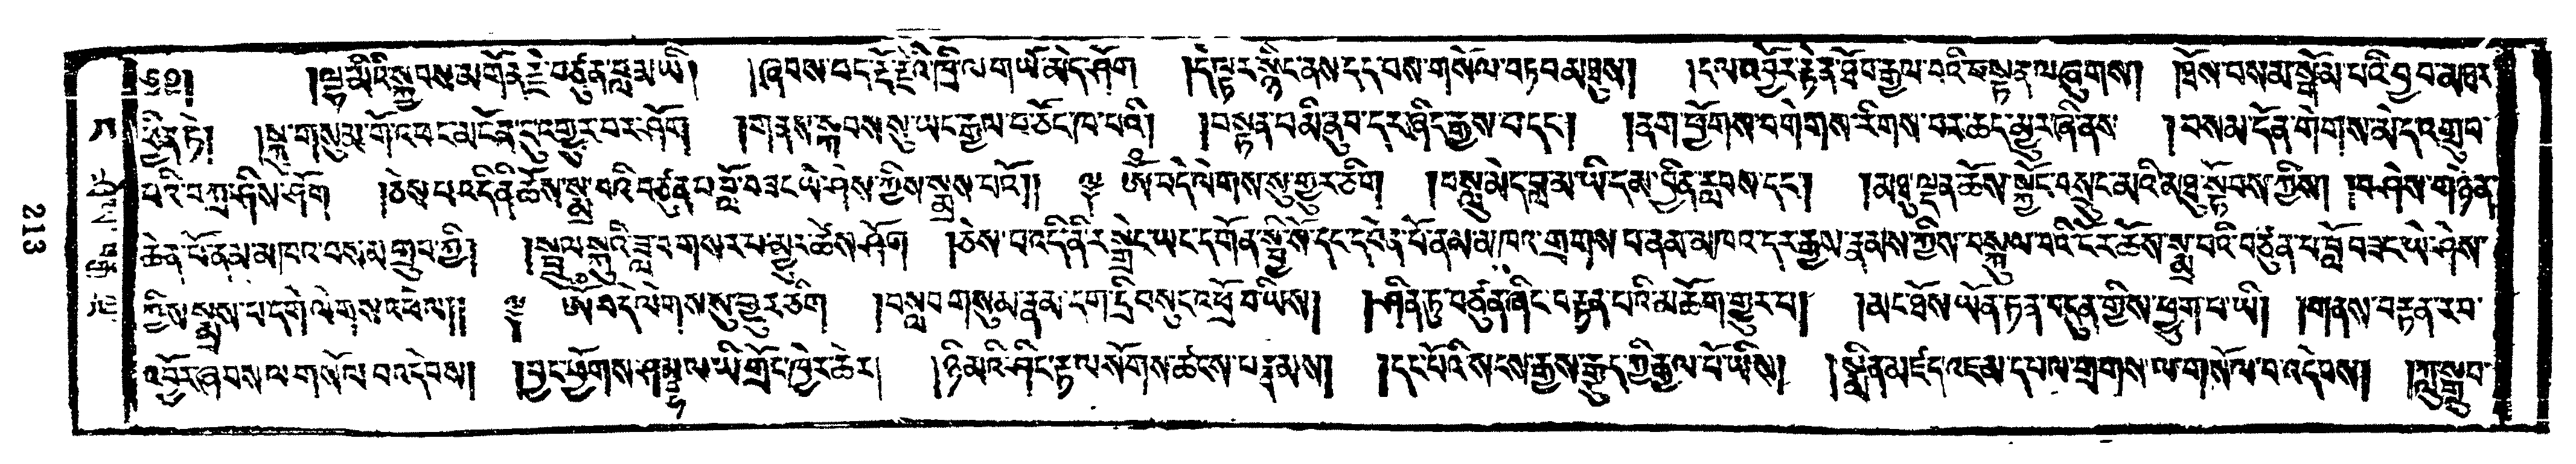༄༅། །ལྷ་མིའི་སྐྱབས་མགོན་རྗེ་བཙུན་བླ་མ་ཡི། །ཞབས་བད་རྡོ་རྗེའི་ཁྲི་ལ་གཡོ་མེད་ཤོག །དེ་ལྟར་སྙིང་ནས་དད་པས་གསོལ་བཏབ་མཐུས། །དལ་འབྱོར་རྟེན་ཐོབ་རྒྱལ་བའི་བསྟན་ལ་ཞུགས། །ཐོས་བསམ་སྒོམ་པའི་བྱ་བ་མཐར་
ཕྱིན་ཏེ། །སྐུ་གསུམ་གོ་འཕང་མངོན་དུ་འགྱུར་བར་ཤོག །གནས་སྐབས་སུ་ཡང་རྒྱལ་བ་ཙོང་ཁ་པའི། །བསྟན་པ་མི་ནུབ་དར་ཞིང་རྒྱས་པ་དང་། །ནག་ཕྱོགས་བགེགས་རིགས་བར་ཆད་མྱུར་ཞི་ནས། །བསམ་དོན་གེགས་མེད་འགྲུབ་
པའི་བཀྲ་ཤིས་ཤོག །ཅེས་པ་འདི་ནི་ཆོས་སྨྲ་བའི་བཙུན་པ་བློ་བཟང་ཡེ་ཤེས་ཀྱིས་སྨྲས་པའོ།། ༈ ཨོཾ་བདེ་ལེགས་སུ་གྱུར་ཅིག །བསླུ་མེད་བླ་མ་ཡི་དམ་བྱིན་རླབས་དང་། །མཐུ་ལྡན་ཆོས་སྐྱོང་བསྲུང་མའི་མཐུ་སྟོབས་ཀྱིས། །བཤེས་གཉེན་
ཆེན་པོ་ནམ་མཁའ་བསམ་གྲུབ་ཀྱི། །སྦྲུལ་སྐུའི་ཟླ་བ་གསར་པ་མྱུར་ཚེས་ཤོག །ཅེས་པ་འདི་ནི་ར་སྒྲེང་ཡང་དགོན་སྤྱི་སོ་དང་དབེན་བོ་ནམ་མཁའ་གྲགས་པ་ནམ་མཁའ་དར་རྒྱས་རྣམས་ཀྱིས་བསྐུལ་བའི་ངོར་ཆོས་སྨྲ་བའི་བཙུན་པ་བློ་བཟང་ཡེ་ཤེས་
ཀྱིས་སྨྲས་པ་དགེ་ལེགས་འཕེལ།། ༈ ཨོཾ་བདེ་ལེགས་སུ་གྱུར་ཅིག །བསླབ་གསུམ་རྣམ་དག་དྲི་བསུང་འཕྲོ་བ་ཡིས། །ཤིན་ཏུ་བཙུན་ཞིང་བརྟན་པའི་མཆོག་གྱུར་པ། །མང་ཐོས་ཡོན་ཏན་བདུན་གྱིས་ཕྱུག་པ་ཡི། །གནས་བརྟན་རབ་
འབྱོར་ཞབས་ལ་གསོལ་བ་འདེབས། །བྱང་ཕྱོགས་ཤམྦྷལ་ཡི་གྲོང་ཁྱེར་ཆེར། །ཉི་མའི་ཤིང་རྟ་ལ་སོགས་ཚངས་པ་རྣམས། །དང་པོའི་སངས་རྒྱས་རྒྱུད་ཀྱི་རྒྱལ་པོ་ཡིས། །སྨིན་མཛད་འཇམ་དཔལ་གྲགས་ལ་གསོལ་བ་འདེབས། །ཀླུ་སྒྲུབ་